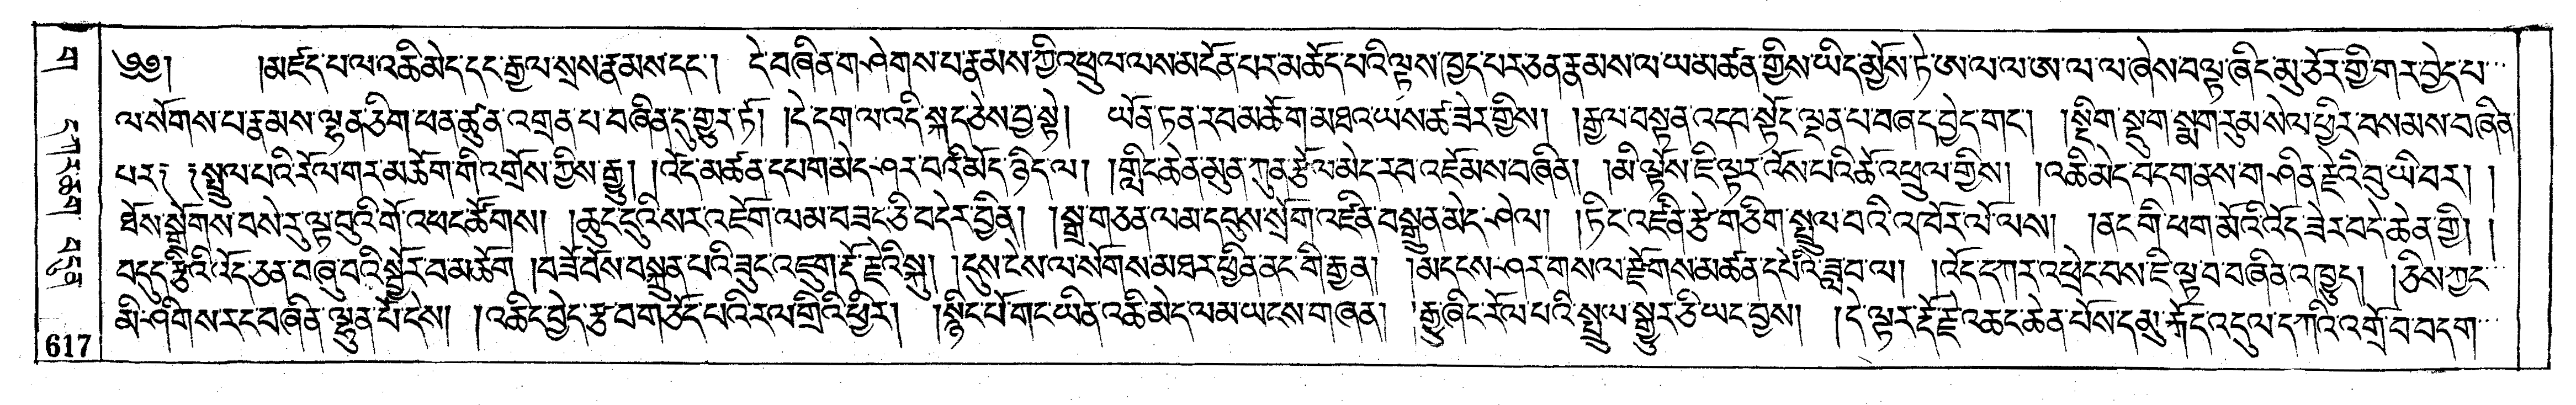༄༅། །མཛད་པ་ལ་འཆི་མེད་དང་རྒྱལ་སྲས་རྣམས་དང་། དེ་བཞིན་གཤེགས་པ་རྣམས་ཀྱི་འཕྲུལ་ལས་མངོན་པར་མཆོད་པའི་ལྟས་ཁྱད་པར་ཅན་རྣམས་ལ་ཡ་མཚན་གྱིས་ཡིད་མྱོས་ཏེ་ཨ་ལ་ལ་ཨ་ལ་ལ་ཞེས་བལྟ་ཞིང་མུ་ཅོར་གྱི་གར་བྱེད་པ་
ལ་སོགས་པ་རྣམས་ལྷན་ཅིག་ཕན་ཚུན་འགྲན་པ་བཞིན་དུ་གྱུར་ཏོ། །དེ་དག་ལ་འདི་སྐད་ཅེས་བྱ་སྟེ། ཡོན་ཏན་རབ་མཆོག་མཐའ་ཡས་ཚ་ཟེར་གྱིས། །རྒྱལ་བསྟན་འདབ་སྟོང་ལྡན་པ་བཞང་བྱེད་གང་། །སྡིག་སྡུག་སྨག་རུམ་སེལ་ཕྱིར་བསམས་བཞིན་
པར༑ ༑སྤྲུལ་པའི་རོལ་གར་མཆོག་གི་འགྲོས་ཀྱིས་རྒྱུ། །འོད་མཚན་དཔག་མེད་ཤར་བའི་མོད་ཉིད་ལ། །གླིང་ཆེན་མུན་ཀུན་རྩོལ་མེད་རབ་འཇོམས་བཞིན། །མི་ལྟོས་ཇི་ལྟར་འོས་པའི་ཆོ་འཕྲུལ་གྱིས། །འཆི་མེད་བདག་ནས་གཤིན་རྗེའི་བུ་ཡི་བར། །
ཐོས་སྒྲོགས་བསེ་རུ་ལྟ་བུའི་གོ་འཕང་ཚོགས། །ཆུང་དུའི་སར་འཇོག་ལམ་བཟང་ཅི་བདེར་བྱིན། །སྒྲ་གཅན་ལམ་དབུས་སྲོག་འཛིན་བསྒྲུན་མེད་ཤེལ། །ཏིང་འཛིན་རྩེ་གཅིག་སྤྲུལ་པའི་འཁོར་ལོ་ལས། །ནང་གི་ཕག་མོའི་འོད་ཟེར་བདེ་ཆེན་གྱི། །
བདུད་རྩིའི་འོད་ཅན་བཞུ་བའི་སྦྱོར་བ་མཆོག །བཟོ་བོས་བསྐྲུན་པའི་ཟུང་འཇུག་རྡོ་རྗེའི་སྐུ། །དུས་ངེས་ལ་སོགས་མཐར་ཕྱིན་ནང་གྱི་རྒྱན། །མདངས་ཤར་གསལ་རྫོགས་མཚན་དཔེའི་ཟླ་བ་ལ། །འོད་དཀར་འཕྲེང་བས་ཇི་ལྟ་བ་བཞིན་འཁྱུད། །ཅིས་ཀྱང་
མི་ཤིགས་རང་བཞིན་ལྷུན་པོ་དེས། །འཆིང་བྱེད་རྩ་བ་གཅོད་པའི་རལ་གྲིའི་ཕྱིར། །སྙིང་པོ་གང་ཡིན་འཆི་མེད་ལམ་ཡངས་གཞན། །རྒྱུ་ཞིང་རོལ་པའི་སྤྲུལ་སྒྱུར་ཅི་ཡང་བྱས། །དེ་ལྟར་རྡོ་རྗེ་འཆང་ཆེན་པོས་དམུ་རྒོད་འདུལ་དཀའི་འགྲོ་བ་བདག་